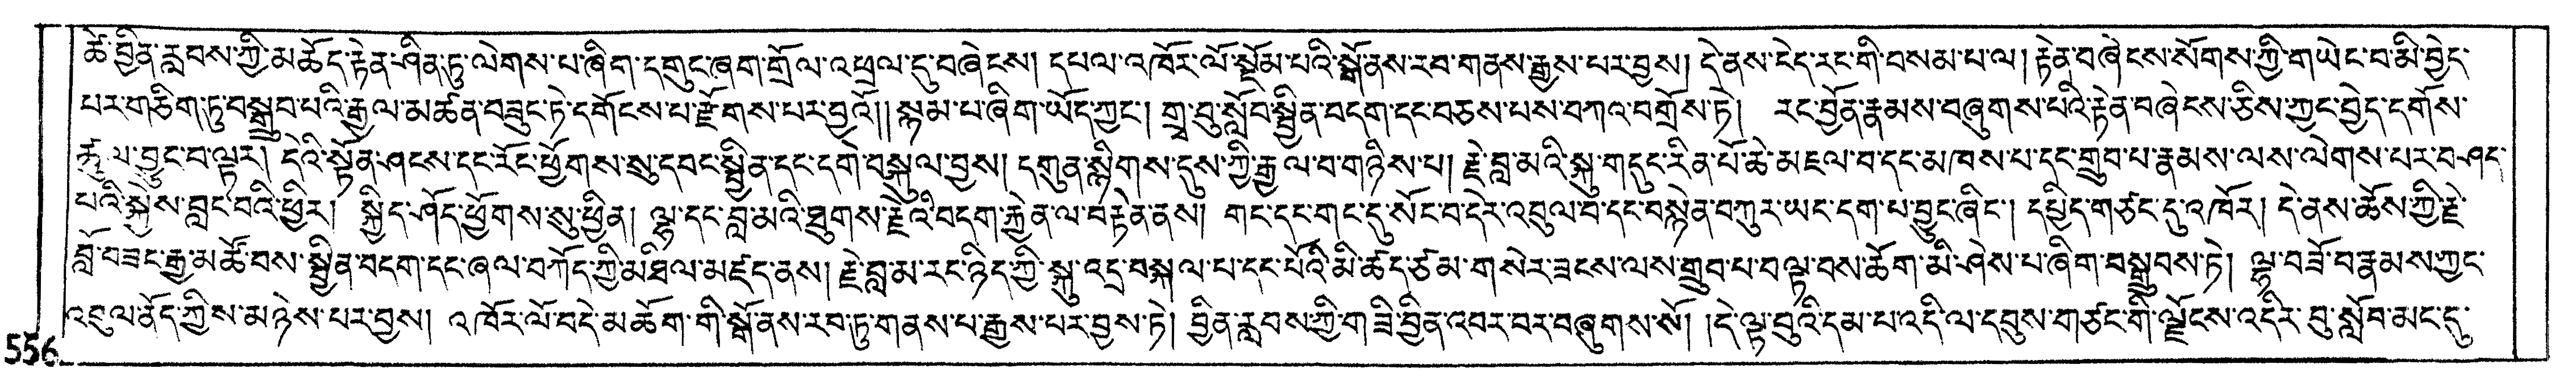ཚེ་བྱིན་རླབས་ཀྱི་མཆོད་རྟེན་ཤིན་ཏུ་ལེགས་པ་ཞིག་དགུང་ཞག་གྲོལ་འཕྲལ་དུ་བཞེངས། དཔལ་འཁོར་ལོ་སྡོམ་པའི་སྒོ་ནས་རབ་གནས་རྒྱས་པར་བྱས། དེ་ནས་ངེད་རང་གི་བསམ་པ་ལ། རྟེན་བཞེངས་སོགས་ཀྱི་གཡེང་བ་མི་བྱེད་
པར་གཅིག་ཏུ་བསྒྲུབ་པའི་རྒྱལ་མཚན་བཟུང་ཏེ་དགོངས་པ་རྫོགས་པར་བྱའོ། །སྙམ་པ་ཞིག་ཡོད་ཀྱང་། གྲྭ་བུ་སློབ་སྦྱིན་བདག་དང་བཅས་པས་བཀའ་བགྲོས་ཏེ། རང་བྱོན་རྣམས་བཞུགས་པའི་རྟེན་བཞེངས་ཅིས་ཀྱང་བྱེད་དགོས་
ཚུལ་བྱུང་བ་ལྟར། དེའི་སྟོན་ཤངས་དང་རོང་ཕྱོགས་སུ་དབང་སྦྱིན་དང་དགེ་བསྐུལ་བྱས། དགུན་སྙིགས་དུས་ཀྱི་རྒྱལ་བ་གཉིས་པ། རྗེ་བླ་མའི་སྐུ་གདུང་རིན་པོ་ཆེ་མཇལ་བ་དང་མཁས་པ་དང་གྲུབ་པ་རྣམས་ལས་ལེགས་པར་བཤད་
པའི་སྐྱེས་བླང་བའི་ཕྱིར། སྐྱིད་ཤོད་ཕྱོགས་སུ་ཕྱིན། ལྷ་དང་བླ་མའི་ཐུགས་རྗེའི་བདག་རྐྱེན་ལ་བརྟེན་ནས། གང་དང་གང་དུ་སོང་བ་དེར་འབུལ་བ་དང་བསྙེན་བཀུར་ཡང་དག་པ་བྱུང་ཞིང་།དཔྱིད་གཙང་དུ་འཁོར། དེ་ནས་ཆོས་ཀྱི་རྗེ་
བློ་བཟང་རྒྱ་མཚོ་བས་སྦྱིན་བདག་དང་ཞལ་བཀོད་ཀྱི་མཐིལ་མཛད་ནས། རྗེ་བླ་མ་རང་ཉིད་ཀྱི་སྐུ་འདྲ་བསྐལ་པ་དང་པོའི་མི་ཚད་ཙམ་གསེར་ཟངས་ལས་གྲུབ་པ་བལྟ་བས་ཆོག་མི་ཤེས་པ་ཞིག་བསྒྲུབས་ཏེ། ལྷ་བཟོ་བ་རྣམས་ཀྱང་
འབུལ་ནོད་ཀྱིས་མཉེས་པར་བྱས། འཁོར་ལོ་བདེ་མཆོག་གི་སྒོ་ནས་རབ་ཏུ་གནས་པ་རྒྱས་པར་བྱས་ཏེ། བྱིན་རླབས་ཀྱི་གཟི་བྱིན་འབར་བར་བཞུགས་སོ། །དེ་ལྟ་བུའི་དམ་པ་འདི་ལ་དབུས་གཙང་གི་ལྗོངས་འདིར་བུ་སློབ་མང་དུ་